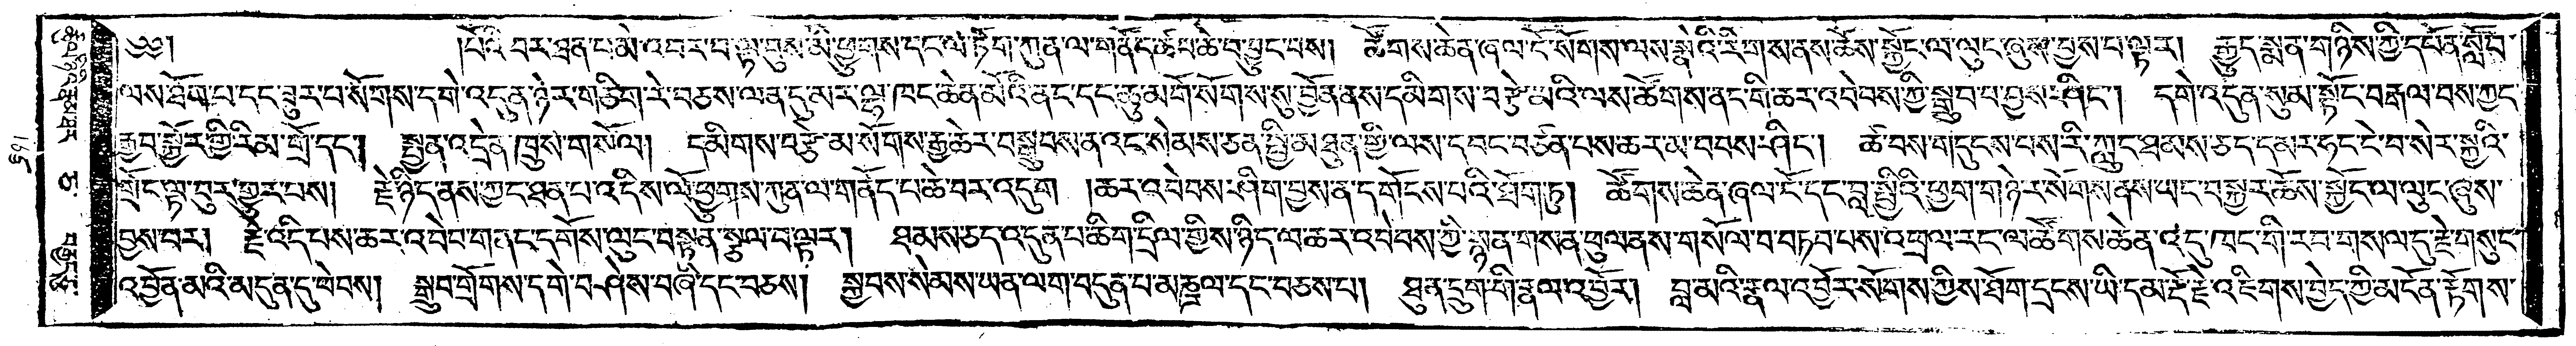༄༅། །པོའི་བར་ཐན་བ་མེ་འབར་བ་ལྷ་བུས་མི་ཕྱུགས་དང་ལོ་ཏོག་ཀུན་ལ་གནོད་ཚབ་ཆེ་བ་བྱུང་བས། ཚོགས་ཆེན་ཞལ་ངོ་སོགས་ལས་སྣེའི་རིགས་ནས་ཆོས་སྐྱོང་ལ་ལུང་ཞུས་བྱས་པ་ལྟར། རྒྱུད་སྨན་གཉིས་ཀྱི་དཔོན་སློབ་
ལས་ཐོག་བ་དང་ཟུར་པ་སོགས་དགེ་འདུན་ཉེར་གཅིག་རེ་བཅས་ལན་དུ་མར་ལྷ་ཁང་ཆེན་མོའི་ནང་དང་ཆུ་མགོ་སོགས་སུ་བྱོན་ནས་དམིགས་བརྩེ་མའི་ལས་ཚོགས་ནང་གི་ཆར་འབེབས་ཀྱི་སྒྲུབ་པ་བྱས་ཤིང་། དགེ་འདུན་སུམ་སྟོང་བརྒལ་བས་ཀྱང་
རྒྱབ་སྐྱོར་གྱི་རིམ་གྲོ་དང་། སྤྱན་འདྲེན་ཁྲུས་གསོལ། དམིགས་བརྩེ་མ་སོགས་རྒྱ་ཆེར་བསྒྲུབས་ནའང་སེམས་ཅན་སྤྱི་མཐུན་གྱི་ལས་དབང་བཙན་པས་ཆར་མ་བབས་ཤིང་། ཚ་བས་གདུངས་པས་རི་ཀླུང་ཐམས་ཅད་དམར་ཧང་ངེ་བ་སེར་སྐྱའི་
གྲོང་ལྟ་བུར་གྱུར་བས། རྗེ་ཉིད་ནས་ཀྱང་ཐན་པ་འདིས་ལོ་ཕྱུགས་ཀུན་ལ་གནོད་པ་ཆེ་བར་འདུག །ཆར་འབེབས་ཤིག་བྱས་ན་དགོངས་པའི་ཐོག་ཏུ། ཚོགས་ཆེན་ཞལ་ངོ་དང་བླ་སྤྱིའི་ཕྱག་གཉེར་སོགས་ནས་ཡང་བསྐྱར་ཆོས་སྐྱོང་ལ་ལུང་ཞུས་
བྱས་བར། རྗེ་འདི་བས་ཆར་འབེབ་གནང་དགོས་ལུང་བསྟན་སྩལ་བ་ལྟར། ཐམས་ཅད་འདུན་པ་ཆིག་དྲིལ་གྱིས་ཉིད་ལ་ཆར་འབེབས་ཀྱི་སྙན་གསན་ཕུལ་ནས་གསོལ་བ་བཏབ་པས་འཕྲལ་རང་ལ་ཚོགས་ཆེན་འདུ་ཁང་གི་རབ་གསལ་དུ་རྗེ་གསུང་
འབྱོན་མའི་མདུན་དུ་ཕེབས། སྒྲུབ་གྲོགས་དགེ་བཤེས་བཞི་དང་བཅས། སྐྱབས་སེམས་ཡན་ལག་བདུན་པ་མཎྜལ་དང་བཅས་པ། ཐུན་དྲུག་གི་རྣལ་འབྱོར། བླ་མའི་རྣལ་འབྱོར་སོགས་ཀྱིས་ཐོག་དྲངས་ཡི་དམ་རྡོ་རྗེ་འཇིགས་བྱེད་ཀྱི་མངོན་རྟོགས་